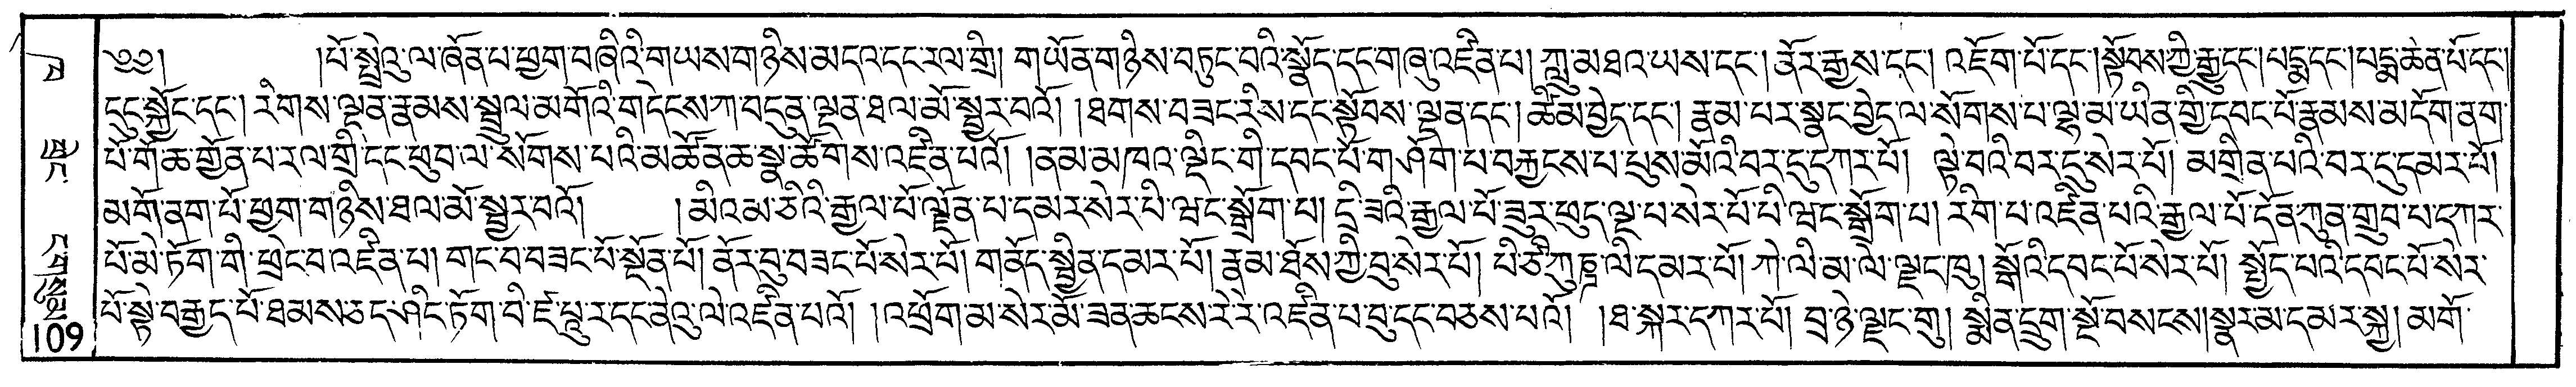༄༅། །པོ་སྤྲེའུ་ལ་ཞོན་པ་ཕྱག་བཞིའི་གཡས་གཉིས་མདའ་དང་རལ་གྲི། གཡོན་གཉིས་བཏུང་བའི་སྣོད་དང་གཞུ་འཛིན་པ། ཀླུ་མཐའ་ཡས་དང་། ནོར་རྒྱས་དང་། འཇོག་པོ་དང་། སྟོབས་ཀྱི་རྒྱུ་དང་། པདམ་དང་། པདམ་ཆེན་པོ་དང་།
དུང་སྐྱོང་དང་། རིགས་ལྡན་རྣམས་སྦྲུལ་མགོའི་གདེངས་ཀ་བདུན་ལྡན་ཐལ་མོ་སྦྱར་བའོ། །ཐགས་བཟང་རིས་དང་སྟོབས་ལྡན་དང་། ཚིམ་བྱེད་དང་། རྣམ་པར་སྣང་བྱེད་ལ་སོགས་པ་ལྷ་མ་ཡིན་གྱི་དབང་པོ་རྣམས་མདོག་ནག་
པོ་གོ་ཆ་གྱོན་པ་རལ་གྲི་དང་ཕུབ་ལ་སོགས་པའི་མཚོན་ཆ་སྣ་ཚོགས་འཛིན་པའོ། །ནམ་མཁའ་ལྡིང་གི་དབང་པོ་གཤོག་པ་བརྐྱངས་པ་པུས་མོའི་བར་དུ་དཀར་པོ། ལྟེ་བའི་བར་དུ་སེར་པོ། མགྲིན་པའི་བར་དུ་དམར་པོ།
མགོ་ནག་པོ་ཕྱག་གཉིས་ཐལ་མོ་སྦྱར་བའོ། །མིའམ་ཅིའི་རྒྱལ་པོ་ལྗོན་པ་དམར་སེར་པི་ཝང་སྒྲོག་པ། དྲི་ཟའི་རྒྱལ་པོ་ཟུར་ཕུད་ལྔ་པ་སེར་པོ་པི་ཝང་སྒྲོག་པ། རིག་པ་འཛིན་པའི་རྒྱལ་པོ་དོན་ཀུན་གྲུབ་པ་དཀར་
པོ་མེ་ཏོག་གི་ཕྲེང་བ་འཛིན་པ། གང་བ་བཟང་པོ་སྔོན་པོ། ནོར་བུ་བཟང་པོ་སེར་པོ། གནོད་སྦྱིན་དམར་པོ། རྣམ་ཐོས་ཀྱི་བུ་སེར་པོ། པི་ཙི་ཀུཎྜ་ལི་དམར་པོ། ཀེ་ལི་མ་ལེ་ལྗང་ཁུ། སྒོའི་དབང་པོ་སེར་པོ། སྤྱོད་པའི་དབང་པོ་སེར་
པོ་སྟེ་བརྒྱད་པོ་ཐམས་ཅད་ཤིང་ཏོག་བི་ཛ་པཱུ་ར་དང་ནེའུ་ལེ་འཛིན་པའོ། །འཕྲོག་མ་སེར་མོ་ཟན་ཆངས་རེ་རེ་འཛིན་པ་བུ་དང་བཅས་པའོ། །ཐ་སྐར་དཀར་པོ། བྲ་ཉེ་ལྗང་གུ། སྨིན་དྲུག་སྔོ་བསངས། སྣར་མ་དམར་སྐྱ། མགོ་